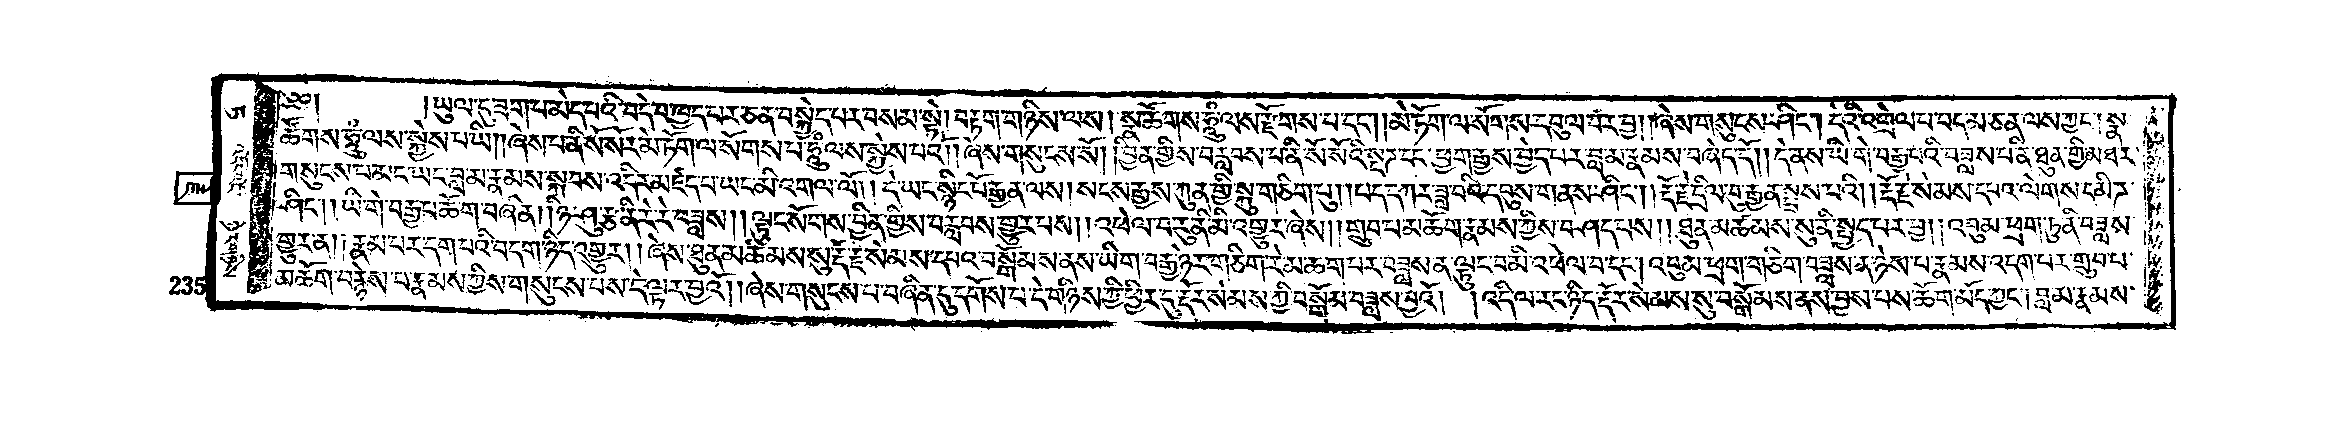༄༅། །ཡུལ་དུ་ཟག་པ་མེད་པའི་བདེ་བ་ཁྱད་པར་ཅན་བསྐྱེད་པར་བསམ་སྟེ། བརྟག་གཉིས་ལས། སྣ་ཚོགས་ཧཱུཾ་ལས་རྫོགས་པ་དང་། །མེ་ཏོག་ལ་སོགས་དབུལ་བར་བྱ། །ཞེས་གསུངས་ཤིང་། དེའི་འགྲེལ་པ་པད་མ་ཅན་ལས་ཀྱང་། སྣ་
ཚོགས་ཧཱུཾ་ལས་སྐྱེས་པ་ཡི། །ཞེས་པ་ནི་སོ་སོར་མེ་ཏོག་ལ་སོགས་པ་ཧཱུཾ་ལས་སྐྱེས་པའོ། །ཞེས་གསུངས་སོ། །བྱིན་གྱིས་བརླབས་པ་ནི་སོ་སོའི་སྔགས་དང་ཕྱག་རྒྱས་བྱེད་པར་བླ་མ་རྣམས་བཞེད་དོ། །དེ་ནས་ཡི་གེ་བརྒྱ་པའི་བཟླས་པ་ནི་ཐུན་གྱི་མཐར་
གསུངས་པ་མང་ཡང་བླ་མ་རྣམས་སྐབས་འདིར་མཛད་པ་ཡང་མི་འགལ་ལོ། །དེ་ཡང་སྙིང་པོ་རྒྱན་ལས། སངས་རྒྱས་ཀུན་གྱི་སྐུ་གཅིག་པུ། །པད་དཀར་ཟླ་བའི་དབུས་གནས་ཤིང་། །རྡོ་རྗེ་དྲིལ་བུ་རྒྱན་སྤྲས་པའི། །རྡོ་རྗེ་སེམས་དཔའ་ལེགས་དམིགས་
ཤིང་། །ཡི་གེ་བརྒྱ་པ་ཆོ་ག་བཞིན། །ཉི་ཤུ་རྩ་ནི་རེ་རེ་བཟླས། །ལྟུང་སོགས་བྱིན་གྱིས་བརླབས་གྱུར་པས། །འཕེལ་བ་རུ་ནི་མི་འགྱུར་ཞེས། །གྲུབ་པ་མཆོག་རྣམས་ཀྱིས་བཤད་པས། །ཐུན་མཚམས་སུ་ནི་སྤྱད་པར་བྱ། །འབུམ་ཕྲག་ཏུ་ནི་བཟླས་
གྱུར་ན། །རྣམ་པར་དག་པའི་བདག་ཉིད་འགྱུར། །ཞེས་ཐུན་མཚམས་སུ་རྡོ་རྗེ་སེམས་དཔའ་བསྒོམས་ནས་ཡིག་བརྒྱ་ཉེར་གཅིག་རེ་མ་ཆག་པར་བཟླས་ན་ལྟུང་བ་མི་འཕེལ་བ་དང་། འབུམ་ཕྲག་གཅིག་བཟླས་ན་ཉེས་པ་རྣམས་འདག་པར་གྲུབ་པ་
མཆོག་བརྙེས་པ་རྣམས་ཀྱིས་གསུངས་པས་དེ་ལྟར་བྱའོ། །ཞེས་གསུངས་པ་བཞིན་དུ་དགོས་པ་དེ་གཉིས་ཀྱི་ཕྱིར་དུ་རྡོར་སེམས་ཀྱི་བསྒོམ་བཟླས་བྱའོ། །འདི་ལ་རང་ཉིད་རྡོར་སེམས་སུ་བསྒོམས་ནས་བྱས་པས་ཆོག་མོད་ཀྱང་། བླ་མ་རྣམས་